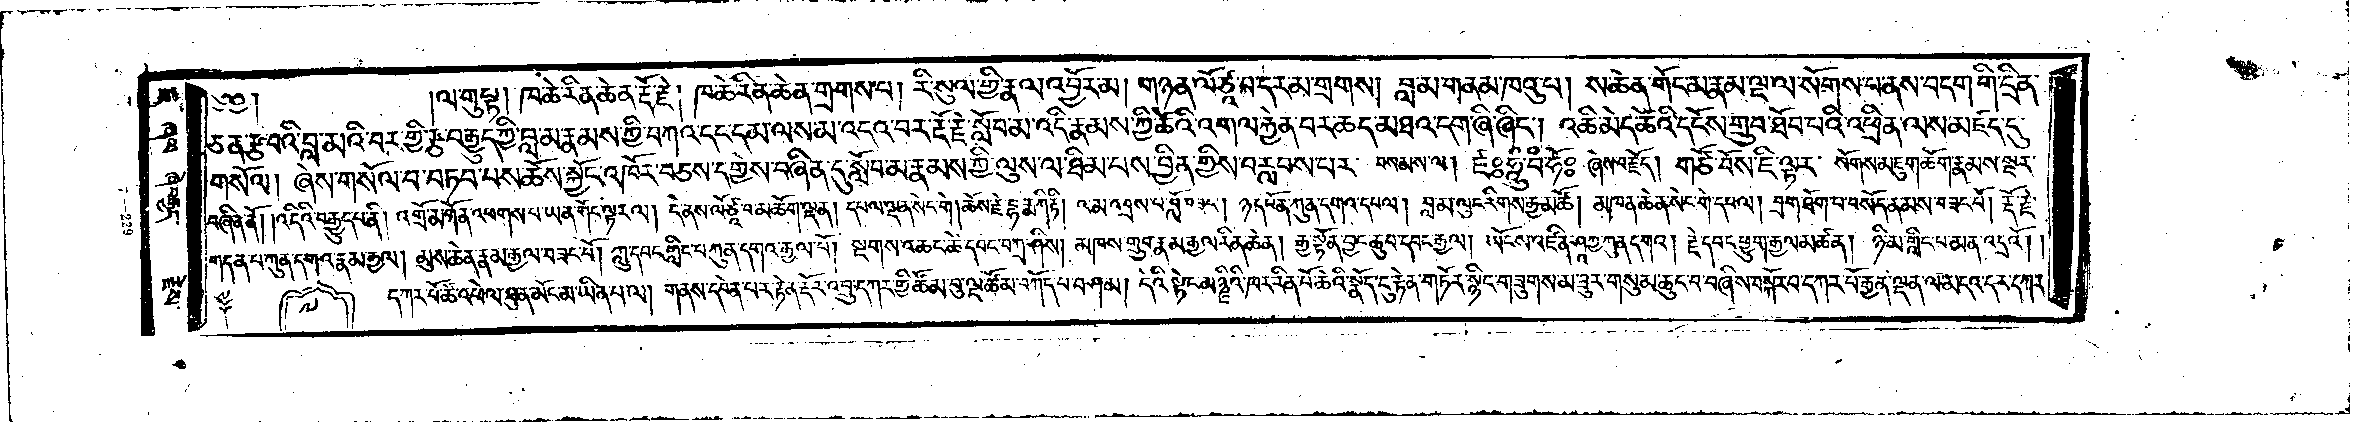༄༅། །ལ་གུཔྟ། ཁ་ཆེ་རིན་ཆེན་རྡོ་རྗེ། ཁ་ཆེ་རིན་ཆེན་གྲགས་པ། རི་སུལ་གྱི་རྣལ་འབྱོར་མ། གཉན་ལོ་ཙཱ་བ་དར་མ་གྲགས། བླ་མ་གནམ་ཁའུ་པ། ས་ཆེན་གོང་མ་རྣམ་ལྔ་ལ་སོགས་པ་ནས་བདག་གི་དྲིན་
ཅན་རྩ་བའི་བླ་མའི་བར་གྱི་རྩ་བརྒྱུད་ཀྱི་བླ་མ་རྣམས་ཀྱི་བཀའ་དང་དམ་ལས་མ་འདའ་བར་རྡོ་རྗེ་སློབ་མ་འདི་རྣམས་ཀྱི་ཚེའི་འགལ་རྐྱེན་བར་ཆད་མཐའ་དག་ཞི་ཞིང་། འཆི་མེད་ཚེའི་དངོས་གྲུབ་ཐོབ་པའི་འཕྲིན་ལས་མཛད་དུ་
གསོལ། ཞེས་གསོལ་བ་བཏབ་པས་ཆོས་སྐྱོང་འཁོར་བཅས་དགྱེས་བཞིན་དུ་སློབ་མ་རྣམས་ཀྱི་ལུས་ལ་ཐིམ་པས་བྱིན་གྱིས་བརླབས་པར་བསམས་ལ།  ཛཿཧཱུཾ་བཾ་ཧོཿ ཞེས་བརྗོད།  གཙོ་བོས་ཇི་ལྟར་སོགས་མཇུག་ཆོག་རྣམས་སྔར་
བཞིན་ནོ། །འདིའི་བརྒྱུད་པ་ནི། འགྲོ་མགོན་འཕགས་པ་ཡན་གོང་ལྟར་ལ། དེ་ནས་ལོ་ཙཱ་བ་མཆོག་ལྡན། དཔལ་ལྡན་སེང་གེ། ཆོས་རྗེ་དྷརྨ་ཀིརྟི། ལམ་འབྲས་བ་བློ་བཟང་། ཉ་དཔོན་ཀུན་དགའ་དཔལ། བླ་མ་ལུང་རིགས་རྒྱ་མཚོ། མཁན་ཆེན་སེང་གེ་དཔལ། བྲག་ཐོག་པ་བསོད་ནམས་བཟང་པོ། རྡོ་རྗེ་
གདན་པ་ཀུན་དགའ་རྣམ་རྒྱལ། མུས་ཆེན་རྣམ་རྒྱལ་བཟང་པོ། ཀླུ་དབང་གླིང་བ་ཀུན་དགའ་རྒྱལ་པོ། སྔགས་འཆང་ཚེ་དབང་བཀྲ་ཤིས། མཁས་གྲུབ་རྣམ་རྒྱལ་རིན་ཆེན། རྒྱ་སྟོན་བྱང་ཆུབ་དབང་རྒྱལ། ཡོངས་འཛིན་ཤཱཀྱ་ཀུན་དགའ། རྗེ་དབང་ཕྱུག་རྒྱལ་མཚན། ཉི་མ་གླིང་པ་མན་འདྲའོ།།
༈ ༼༽༧༼༽ དཀར་པོ་ཚེ་འཕེལ་ཐུན་མོང་མ་ཡིན་པ་ལ། གནས་དབེན་པར་རྟེན་རྡོར་འབྲུ་དཀར་གྱི་ཚོམ་བུ་ལྔ་ཚོམ་བཀོད་པ་བཤམ། དེའི་སྟེང་མཉྫིའི་ཁར་རིན་པོ་ཆེའི་སྣོད་དུ་རྟེན་གཏོར་སྙིང་གཟུགས་མ་ཟུར་གསུམ་ཆུང་བ་བཞིས་བསྐོར་བ་དཀར་པོ་རྒྱན་ལ་ལ་མདའ་དར་དཀར་